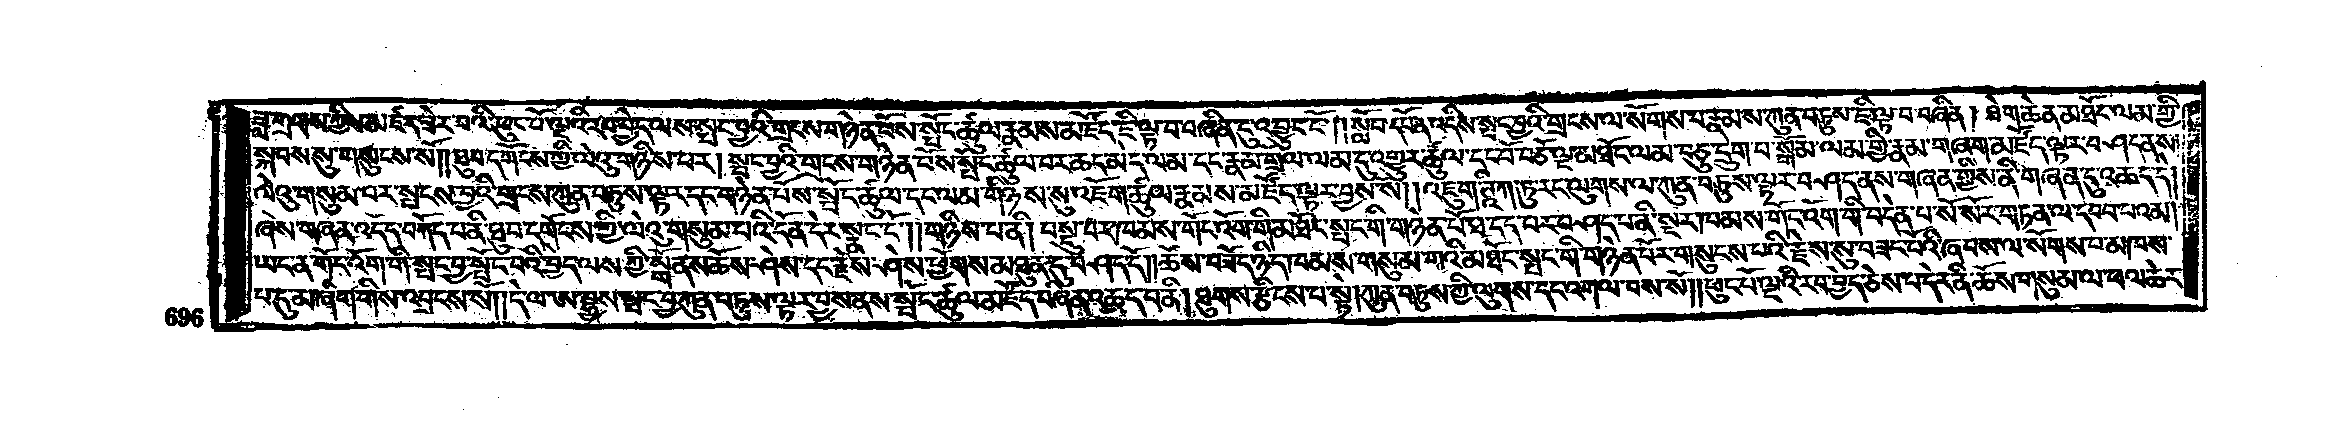ཟླ་གྲགས་ཀྱིས་མཛད་ཟེར་བའི་ཕུང་པོ་ལྔའི་རབ་བྱེད་ལས་སྤང་བྱའི་གྲངས་གཉེན་པོས་སྤོང་ཚུལ་རྣམས་མཛོད་ཇི་ལྟ་བ་བཞིན་དུ་འབྱུང་ངོ། །སློབ་དཔོན་འདིས་སྤང་བྱའི་གྲངས་ལ་སོགས་པ་རྣམས་ཀུན་བཏུས་ཇི་ལྟ་བ་བཞིན། ཐེག་ཆེན་མཐོང་ལམ་གྱི་
སྐབས་སུ་གསུངས་སོ། །ཐུབ་དགོངས་ཀྱི་ལེའུ་གཉིས་པར། སྤང་བྱའི་གྲངས་གཉེན་པོས་སྤོང་ཚུལ་བར་ཆད་མེད་ལམ་དང་རྣམ་གྲོལ་ལམ་དུ་འགྱུར་ཚུལ་དང་པོ་བཅོ་ལྔ་མཐོང་ལམ་བཅུ་དྲུག་པ་སྒོམ་ལམ་གྱི་རྣམ་གཞག་མཛོད་ལྟར་བཤད་ནས་
ལེའུ་གསུམ་པར་སྤངས་བྱའི་གྲངས་ཀུན་བཏུས་ལྟར་དང་གཉེན་པོས་སྤོང་ཚུལ་དང་ལམ་གཉིས་སུ་འཇོག་ཚུལ་རྣམས་མཛོད་ལྟར་བྱས་སོ། །འཇུག་ཊཱི་ཀ་ཏུ་རང་ལུགས་ལ་ཀུན་བཏུས་ལྟར་བཤད་ནས་གཞན་གྱིས་ནི་གཞན་དུ་འཆད་དེ།
ཞེས་གཞན་འདོད་བཀོད་པ་ནི་ཐུབ་དགོངས་ཀྱི་ལེའུ་གསུམ་པའི་དོན་དེར་སྣང་ངོ། །གཉིས་པ་ནི། བསྡུ་བར་ཁམས་གོང་འོག་གི་མཐོང་སྤང་གི་གཉེན་པོ་ཐ་དད་པར་བཤད་པ་ནི་སྔར་ཁམས་གོང་འོག་གི་བདེན་པ་སོ་སོར་གཏན་ལ་དབབ་པའམ།
ཡང་ན་གོང་འོག་གི་སྤང་བྱ་སྤོང་བའི་བྱེད་ལས་ཀྱི་སྒོ་ནས་ཆོས་ཤེས་དང་རྗེས་ཤེས་ཕྱོགས་མཐུན་དུ་བཤད་དོ། །ཆོས་བཟོད་ཉིད་ཁམས་གསུམ་གའི་མཐོང་སྤང་གི་གཉེན་པོར་གསུངས་པའི་རྗེས་སུ་བཟང་པོའི་ཞབས་ལ་སོགས་པ་མཁས་
པ་དུ་མ་ཞིག་གིས་འབྲངས་སོ། །དེ་ལ་ཨ་བྷྱས་སྤང་བྱ་ཀུན་བཏུས་ལྟར་བྱས་ནས་སྤོང་ཚུལ་མཛོད་བཞིན་འཆད་པ་ནི། ཐུགས་རྩིངས་པ་སྟེ། ཀུན་བཏུས་ཀྱི་ལུགས་དང་འགལ་བས་སོ། །ཕུང་པོ་ལྔའི་རབ་བྱེད་ཅེས་པ་དེར་ནི་ཆོས་གསུམ་ལ་ཕལ་ཆེར་